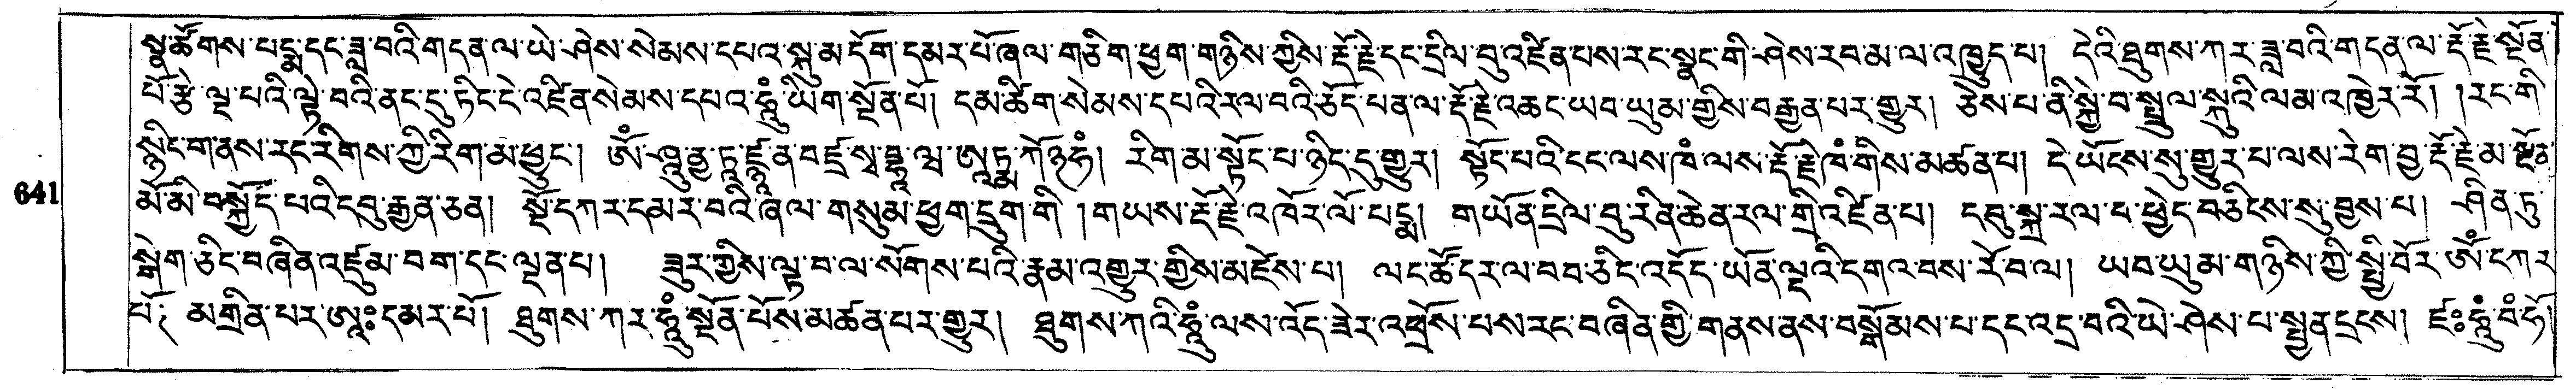སྣ་ཚོགས་པདམ་དང་ཟླ་བའི་གདན་ལ་ཡེ་ཤེས་སེམས་དཔའ་སྐུ་མདོག་དམར་པོ་ཞལ་གཅིག་ཕྱག་གཉིས་ཀྱིས་རྡོ་རྗེ་དང་དྲིལ་བུ་འཛིན་པས་རང་སྣང་གི་ཤེས་རབ་མ་ལ་འཁྱུད་པ། དེའི་ཐུགས་ཀར་ཟླ་བའི་གདན་ལ་རྡོ་རྗེ་སྔོན་
པོ་རྩེ་ལྔ་པའི་ལྟེ་བའི་ནང་དུ་ཏིང་ངེ་འཛིན་སེམས་དཔའ་ཧཱུཾ་ཡིག་སྔོན་པོ། དམ་ཚིག་སེམས་དཔའི་རལ་བའི་ཅོད་པན་ལ་རྡོ་རྗེ་འཆང་ཡབ་ཡུམ་གྱིས་བརྒྱན་པར་གྱུར། ཅེས་པ་ནི་སྐྱེ་བ་སྤྲུལ་སྐུའི་ལམ་འཁྱེར་རོ། །རང་གི་
སྙིང་གནས་རང་རིགས་ཀྱི་རིག་མ་ཕྱུང་། ཨོཾ་ཤཱུ་ནྱ་ཏཱ་ཛྙཱ་ན་བཛྲ་སྭ་བྷཱ་ཝ་ཨཱཏྨ་ཀོཉ་ཧཾ། རིག་མ་སྟོང་པ་ཉིད་དུ་གྱུར། སྟོང་པའི་ངང་ལས་ཁཾ་ལས་རྡོ་རྗེ་ཁཾ་གིས་མཚན་པ། དེ་ཡོངས་སུ་གྱུར་པ་ལས་རེག་བྱ་རྡོ་རྗེ་མ་སྔོན་
མོ་མི་བསྐྱོད་པའི་དབུ་རྒྱན་ཅན། སྔོ་དཀར་དམར་བའི་ཞལ་གསུམ་ཕྱག་དྲུག་གི །གཡས་རྡོ་རྗེ་འཁོར་ལོ་པདམ། གཡོན་དྲིལ་བུ་རིན་ཆེན་རལ་གྲི་འཛིན་པ། དབུ་སྐྲ་རལ་པ་ཕྱེད་བཅིངས་སུ་བྱས་པ། ཤིན་ཏུ་
སྒེག་ཅིང་བཞིན་འཛུམ་བག་དང་ལྡན་པ། ཟུར་གྱིས་ལྟ་བ་ལ་སོགས་པའི་རྣམ་འགྱུར་གྱིས་མཛེས་པ། ལང་ཚོ་དར་ལ་བབ་ཅིང་འདོད་ཡོན་ལྔའི་དགའ་བས་རོ་བ་ལ། ཡབ་ཡུམ་གཉིས་ཀྱི་སྤྱི་བོར་ཨོཾ་དཀར་
པོ༑ མགྲིན་པར་ཨཱཿ དམར་པོ། ཐུགས་ཀར་ཧཱུཾ་སྔོན་པོས་མཚན་པར་གྱུར། ཐུགས་ཀའི་ཧཱུཾ་ལས་འོད་ཟེར་འཕྲོས་པས་རང་བཞིན་གྱི་གནས་ནས་བསྒོམས་པ་དང་འདྲ་བའི་ཡེ་ཤེས་པ་སྤྱན་དྲངས། ཛཿ ཧཱུཾ་བཾ་ཧོ།